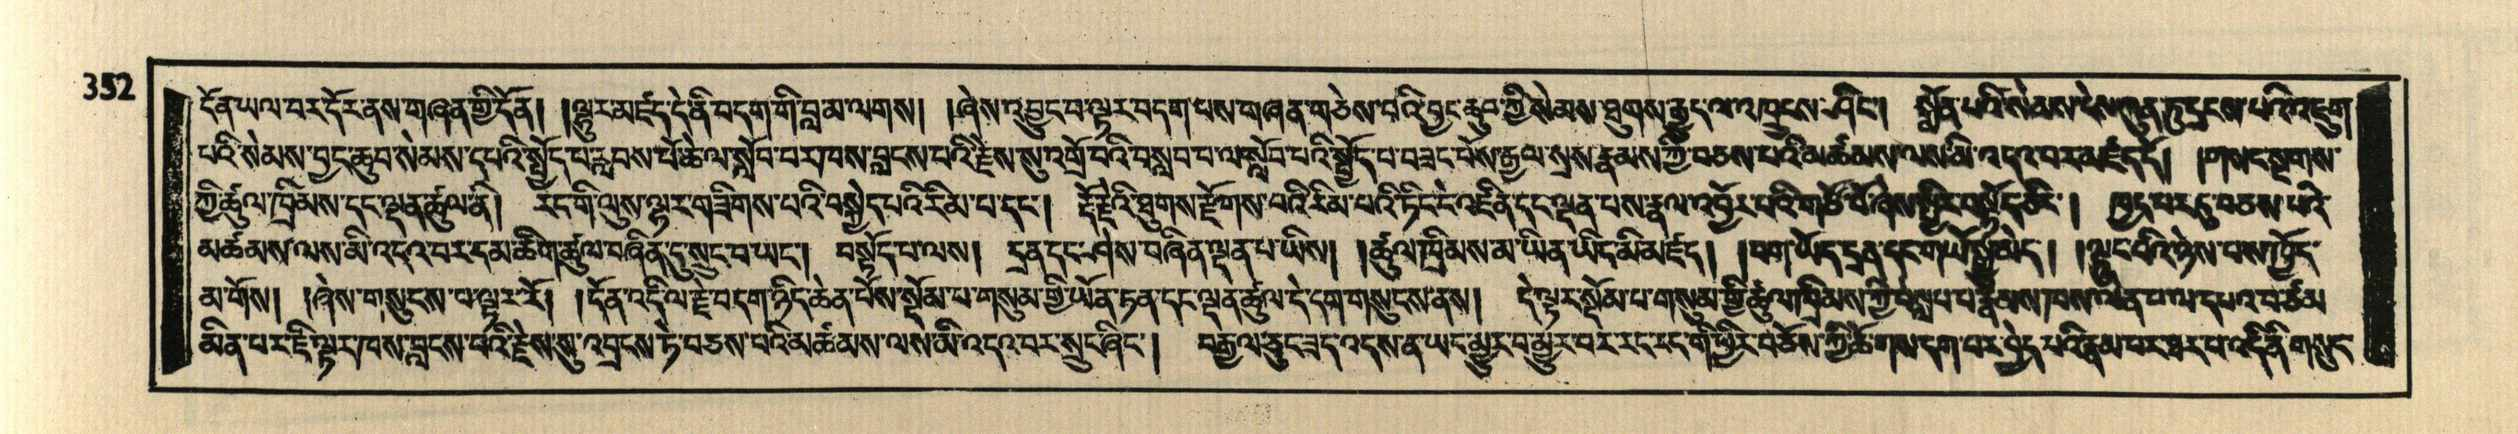དོན་ཡལ་བར་དོར་ནས་གཞན་གྱི་དོན། །ལྷུར་མཛད་དེ་ནི་བདག་གི་བླ་མ་ལགས། །ཞེས་འབྱུང་བ་ལྟར་བདག་པས་གཞན་གཅེས་བའི་བྱང་ཆུབ་ཀྱི་སེམས་ཐུགས་རྒྱུད་ལ་འཁྲུངས་ཤིང་། སྨོན་པའི་སེམས་དེས་ཀུན་ཏུ་དྲངས་པའི་འཇུག་
པའི་སེམས་བྱང་ཆུབ་སེམས་དཔའི་སྤྱོད་བ་རླབས་པོ་ཆེ་ལ་སློབ་པར་ཁས་བླངས་པའི་རྗེས་སུ་འགྲོ་བའི་བསླབ་པ་ལ་སློབ་པའི་སྤྱོད་པ་བཟང་པོས་རྒྱལ་སྲས་རྣམས་ཀྱི་བཅས་པའི་མཚམས་ལས་མི་འདའ་བར་མཛད་དོ། །གསང་སྔགས་
ཀྱི་ཚུལ་ཁྲིམས་དང་ལྡན་ཚུལ་ནི། རང་གི་ལུས་ལྷར་གཟིགས་པའི་བསྐྱེད་པའི་རིམ་པ་དང་། རྡོ་རྗེའི་ཐུགས་རྫོགས་པའི་རིམ་པའི་ཏིང་ངེ་འཛིན་དང་ལྡན་པས་རྣལ་འབྱོར་པའི་གཙོ་བོ་ཞེས་སྤྱིར་བསྟོད་ཅིང་། ཁྱད་པར་དུ་བཅས་པའི་
མཚམས་ལས་མི་འདའ་བར་དམ་ཚིག་ཚུལ་བཞིན་དུ་སྲུང་བ་ཡང་། བསྟོད་པ་ལས། དྲན་དང་ཤེས་བཞིན་ལྡན་པ་ཡིས། །ཚུལ་ཁྲིམས་མ་ཡིན་ཡིད་མི་མཛད། །བག་ཡོད་དྲན་དང་གཡོ་སྒྱུ་མེད། །ལྟུང་བའི་ཉེས་པས་ཁྱོད་
མ་གོས། །ཞེས་གསུངས་པ་ལྟར་རོ། །དོན་འདི་ལ་རྗེ་བདག་ཉིད་ཆེན་པོས་སྡོམ་པ་གསུམ་གྱི་ཡོན་ཏན་དང་ལྡན་ཚུལ་དེ་དག་གསུངས་ནས། དེ་ལྟར་སྡོམ་པ་གསུམ་གྱི་ཚུལ་ཁྲིམས་ཀྱི་བསླབ་པ་རྣམས་ཁས་ལེན་པ་ལ་དཔའ་བ་ཙམ་
མིན་པར་ཇི་ལྟར་ཁས་བླངས་པའི་རྗེས་སུ་འབྲངས་ཏེ་བཅས་པའི་མཚམས་ལས་མི་འདའ་བར་སྲུང་ཞིང་། བརྒྱ་ལ་ཅུང་ཟད་འདས་ན་ཡང་མྱུར་བ་མྱུར་བར་རང་རང་གི་ཕྱིར་བཅོས་ཀྱི་ཆོ་གས་དག་པར་བྱེད་པའི་རྣམ་པར་ཐར་པ་འདི་ནི་གསུང་